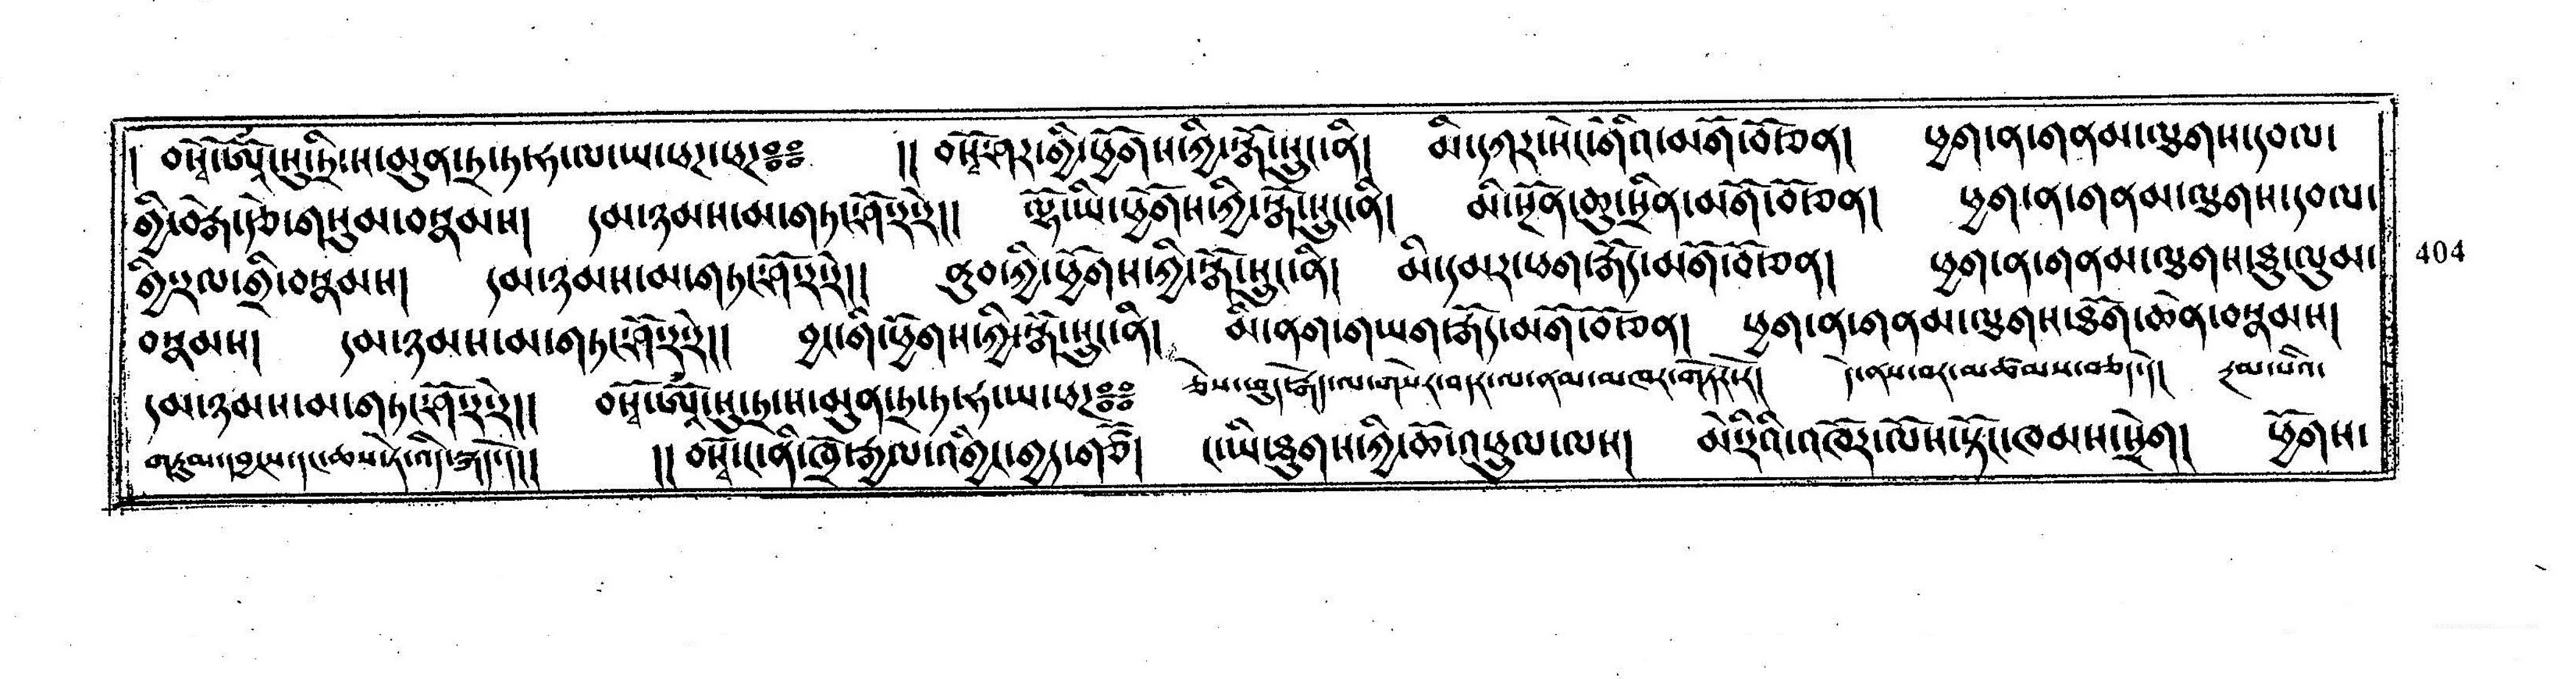བསྭོ་ཨཱོཾ་སུ་ཏྲི་ས་མུན་ཏྲ་ཏ་ཧ་ལ་ཡ་ཕཊ་ཕཊ༔༔ །།བསྭོ་ཤར་གྱི་ཕྱོགས་ཀྱི་སྒོ་སྲུང་{414}ནི། མི་དཀར་སེང་གེའི་མགོ་བོ་ཅན། ཕྱག་ན་གནམ་ལྕགས་དབལ་
གྱི་བེརྒ་རྩེ་གསུམ་བསྣམས། དམ་ཉམས་མ་གཏང་ཤོ་ར་རེ།། ལྷོ་ཡི་ཕྱོགས་ཀྱི་སྒོ་སྲུང་ནི། མི་སྔོན་ཆུ་སྲིན་མགོ་བོ་ཅན། ཕྱག་ན་གནམ་ལྕགས་དབལ་
གྱི་རལ་གྲི་བསྣམས། དམ་ཉམས་མ་གཏང་ཤོ་ར་རེ།། ནུབ་ཀྱི་ཕྱོགས་ཀྱི་སྒོ་སྲུང་ནི།། མི་དམར་ཕག་རྒོད་མགོ་བོ་ཅན། ཕྱག་ན་གནམ་ལྕགས་ཐུ་ལུམ་
བསྣམས། དམ་ཉམས་མ་གཏང་ཤོ་ར་རེ།། བྱང་གི་ཕྱོགས་ཀྱི་སྒོ་སྲུང་ནི། མི་ནག་གཡག་རྒོད་མགོ་བོ་ཅན། ཕྱག་ན་གནམ་ལྕགས་ཐོག་ཆེན་བསྣམས། 
དམ་ཉམས་མ་གཏང་ཤོ་ར་རེ།། བསྭོ་ཨཱོཾ་སུ་ཏྲ་ས་མུན་ཏྲ་ཏ་ཧ་ཡ་ཕཊ༔༔ ཞེས་ཕུད་རྒོད་ལ་གསེར་བདར་ལ་ནམ་མཁར་གཏོར་རོ། དེ་ནས་བར་མཚམས་བཅད་དེ། རྔམ་པའི་
གཏུམ་དབྱངས་དང་ཆས་ཏེ་འདི་སྐད་དོ།། །།བསྭོ་ང་ནི་ཁྲོ་རྒྱལ་འགྱིང་གྱད་གཙོ།། ང་ཡི་ཐུགས་ཀྱི་ཆོ་འཕྲུལ་ལས། མེ་རིའི་འཁོར་ལོས་སྟོང་ཁམས་སྲེག །ཕྱོགས་